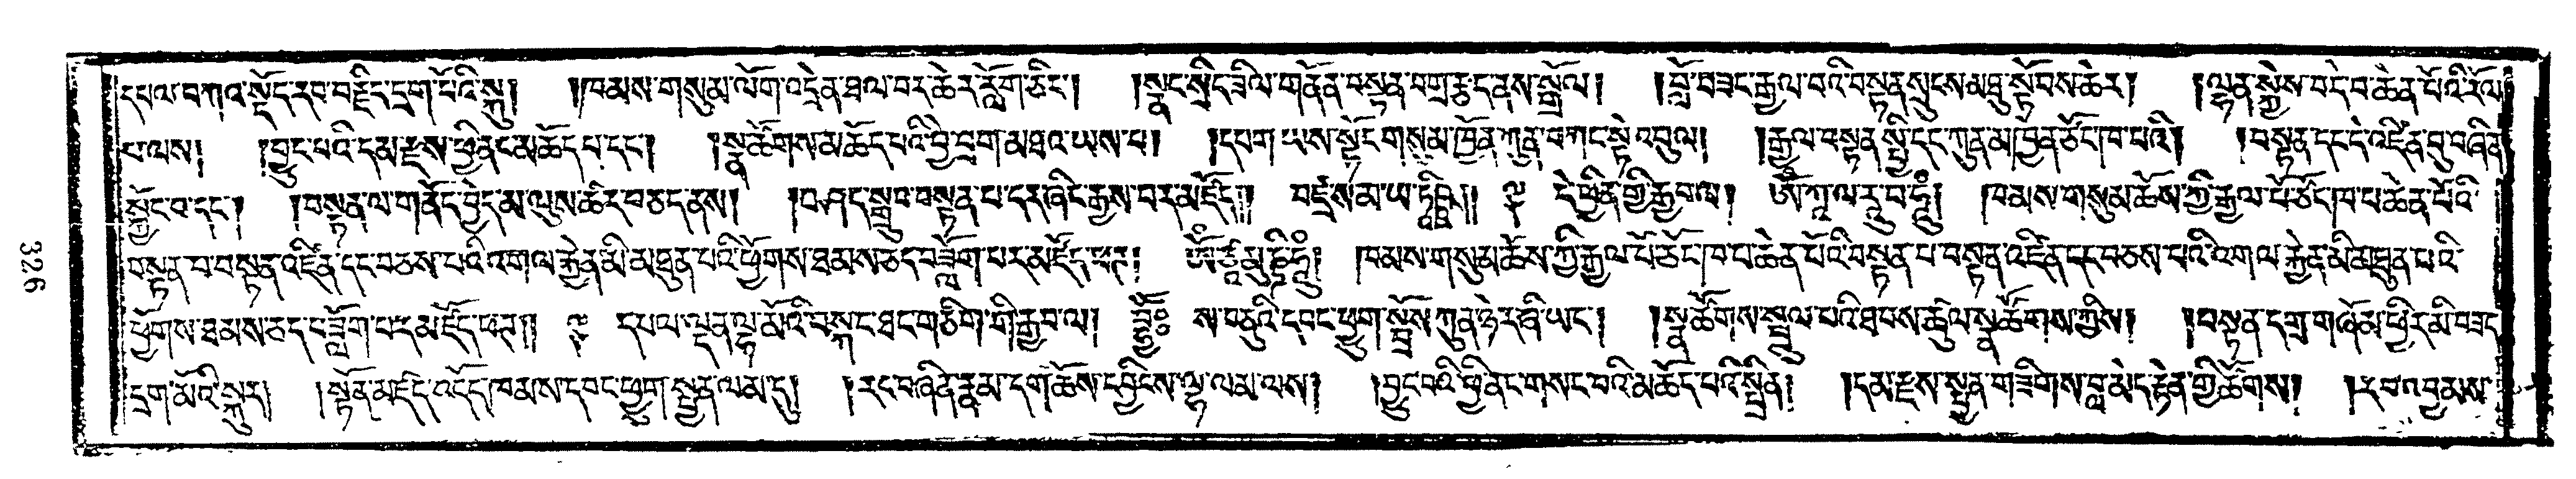དཔལ་བཀའ་སྡོང་རབ་བརྗིད་དྲག་པོའི་སྐུ། །ཁམས་གསུམ་ལོག་འདྲེན་ཐལ་བར་ཆེར་རློག་ཅིང་། །སྣང་སྲིད་ཟིལ་གནོན་བསྟན་བགྲ་རྩད་ནས་སྒྲོལ། །བློ་བཟང་རྒྱལ་བའི་བསྟན་སྲུངས་མཐུ་སྟོབས་ཆེར། །ལྷན་སྐྱེས་བདེ་བ་ཆེན་པོའི་རོལ་
པ་ལས། །བྱུང་པའི་དམ་རྫས་ཕྱི་ནང་མཆོད་པ་དང་། །སྣ་ཚོགས་མཆོད་པའི་བྱེ་བྲག་མཐའ་ཡས་པ། །དཔག་ཡས་སྟོང་གསུམ་ཁྱོན་ཀུན་བཀང་སྟེ་འབུལ། །རྒྱལ་བསྟན་སྤྱི་དང་ཀུན་མཁྱེན་ཙོང་ཁ་པའི། །བསྟན་དང་དེ་འཛིན་བུ་བཞིན་
སྐྱོང་བ་དང་། །བསྟན་ལ་གནོད་བྱེད་མ་ལུས་ཚར་བཅད་ནས། །བཤད་སྒྲུབ་བསྟན་པ་དར་ཞིང་རྒྱས་བར་མཛོད།། བྫྲ་ས་མ་ཡ་ཏཱིཥཊཿཨ།། ༈ དེ་ཕྱིན་གྱི་རྒྱབ་ལ། ཨོཾ་ཀཱ་ལ་རཱུ་བ་ཧཱུཾ། ཁམས་གསུམ་ཆོས་ཀྱི་རྒྱལ་པོ་ཙོང་ཁ་པ་ཆེན་པོའི་
བསྟན་པ་བསྟན་འཛིན་དང་བཅས་པའི་འགལ་རྐྱེན་མི་མཐུན་པའི་ཕྱོགས་ཐམས་ཅད་བཟློག་པར་མཛོད་ཕཊ། ཨོཾ་ཙཱ་མུཎྜི་ཧཱུཾ། ཁམས་གསུམ་ཆོས་ཀྱི་རྒྱལ་པོ་ཙོང་ཁ་པ་ཆེན་པོའི་བསྟན་པ་བསྟན་འཛིན་དང་བཅས་པའི་འགལ་རྐྱེན་མི་མཐུན་པའི་
ཕྱོགས་ཐམས་ཅད་བཟློག་པར་མཛོད་ཕཊ།། ༈ དཔལ་ལྡན་ལྷ་མོའི་བསྐང་ཐང་གཅིག་གི་རྒྱབ་ལ། བྷྱཽཿ ས་བཅུའི་དབང་ཕྱུག་སྤྲོས་ཀུན་ཉེར་ཞི་ཡང་། །སྣ་ཚོགས་སྤྲུལ་པའི་ཐབས་ཚུལ་སྣ་ཚོགས་ཀྱིས། །བསྟན་དགྲ་གཞོམ་ཕྱིར་མི་བཟད་
དྲག་མོའི་སྐུར། །སྟོན་མཛད་འདོད་ཁམས་དབང་ཕྱུག་སྤྱན་ལམ་དུ། །རང་བཞིན་རྣམ་དག་ཆོས་དབྱིངས་ལྷ་ལམ་ལས། །བྱུང་བའི་ཕྱི་ནང་གསང་བའི་མཆོད་པའི་སྤྲིན། །དམ་རྫས་སྤྱན་གཟིགས་བླ་མེད་རྟེན་གྱི་ཚོགས། །རབ་འབྱམས་